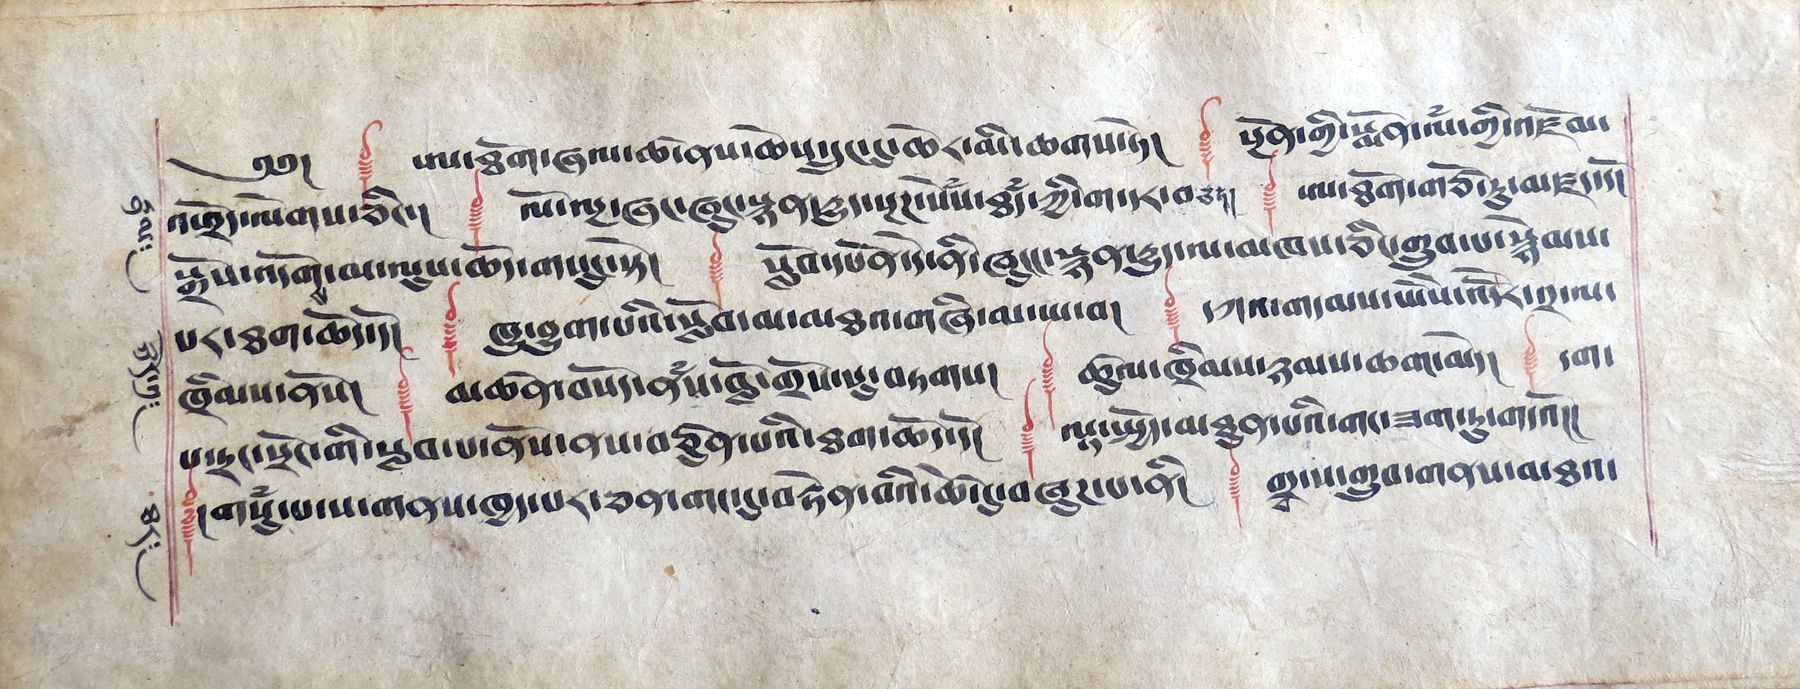ཨ་ཐོག་ཞལ་ཚ་ནས་ཆེར་དྲུང་དུ་མི་ཆགས་ཏེ། སྔོན་གྱིས་སྨོན་ལམ་འཛོམས་
འཕྲོ་ལེགས་ཤིང་། ལོ་ལྔ་ལ་ཞང་ཞུང་སྙན་རྒྱུད་སྔགས་སེམས་ཐམས་ཅད་ཀྱི་གདར་ཤ་བཅད། ཨ་ཐོག་གཙོ་རུ་མཛད་དོ། ། 
སྒྲོས་འདོགས་མ་ལུས་ཆོད་གསུངས། སློབ་དཔོན་དེ་ནི་ཞང་ཞུང་སྙན་རྒྱུད་ལ་མཁས་ཤིང་གྲུབ་པ་བསྙེམས་
པར་ཐག་ཆོད་དོ། ། ཁུ་བྱུག་པའི་སློབ་མ་མཐའ་བཞི་མ་ཡ་བ་དང་། ཀ་གདམས་ཡེ་ཤེས་འོད་ཟེར་གཉིས་ལ་
ཁྲིམས་མནོས། མཚན་བསོད་ནམས་བློ་གྲོས་སུ་བཏགས། ཚུལ་ཁྲིམས་ཉམས་ཆག་མེད། དག་
པ་དྲང་སྲོང་གི་བསླབ་པ་མནོས་ནས་བཙུན་པར་ཐག་ཆོད་དོ། ། ལྟ་སྤྱོད་མཐུན་པའི་གང་ཟག་དུ་གདའ་འོ། ། 
།གསུམ་པ་ས་གནས་ཁྱད་པར་ཅན་གང་དུ་བཞུགས་པ་ནི། གྲྭ་ས་གྲུབ་གནས་ཐ་དག་